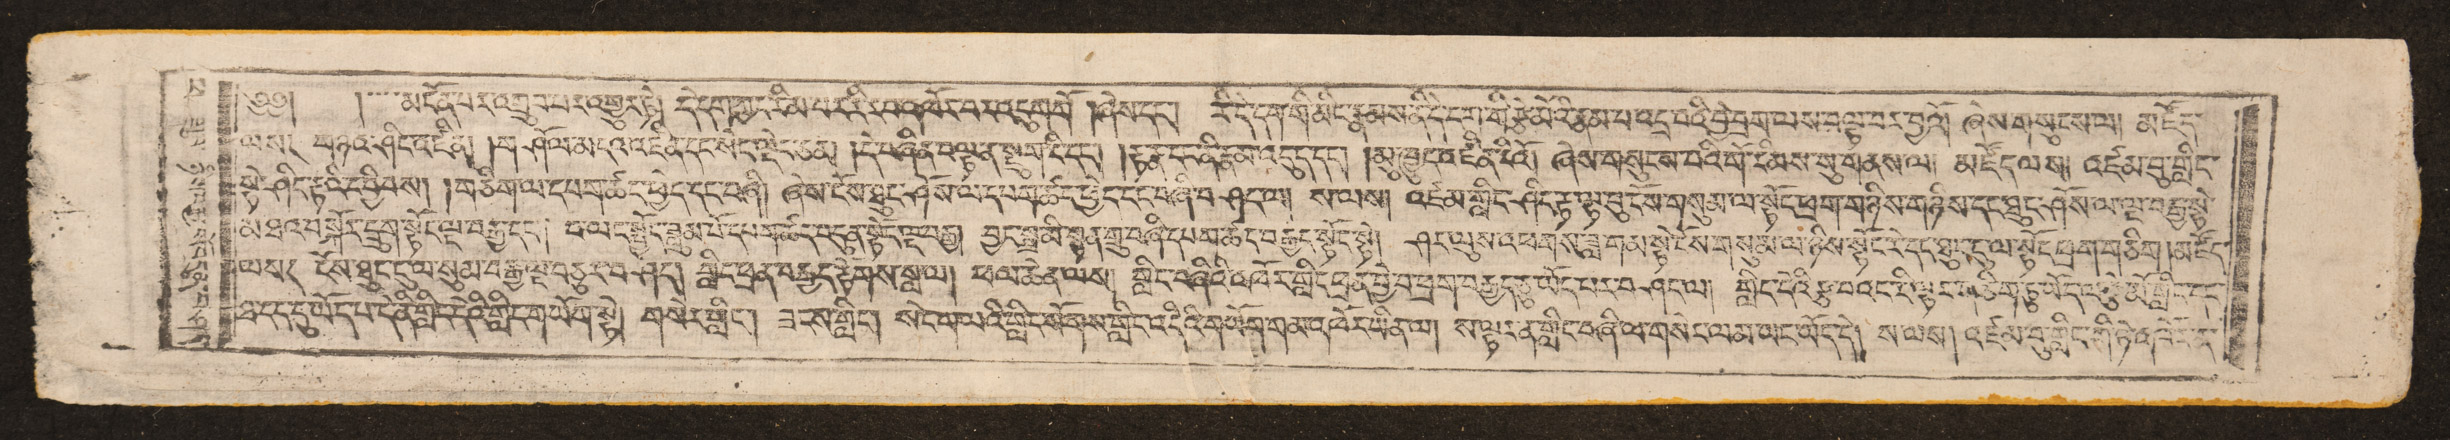༄༅། །མངོན་པར་འགྲུབ་པར་འགྱུར་ཏེ། དེ་དག་ཀྱང་རིམ་པར་རི་རབ་འཁོར་བར་འདུག་གོ །ཞེས་དང་། རི་དེ་དག་གི་མིང་རྣམས་ནི་དེ་དག་གི་རྩེ་མོའི་རྣམ་པ་འདྲ་བའི་བྱེ་བྲག་ལས་བལྟ་བར་བྱའོ། ཞེས་གསུངས་ལ། མཛོད་
ལས༑ གཉའ་ཤིང་འཛིན། །གཤོལ་མདའ་འཛིན་དང་སེང་ལྡེང་ཅན། །དེ་བཞིན་བལྟ་ན་སྡུག་རི་དང་། །རྟ་རྣ་དང་ནི་རྣམ་འདུད་དང་། །མུ་ཁྱུད་འཛིན་རིའོ། ཞེས་གསུངས་པའི་གོ་རིམས་སུ་གནས་ལ། མཛོད་ལས། འཛམ་བུ་གླིང་
སྟེ་ཤིང་རྟའི་དབྱིབས། །གཅིག་ལ་དཔག་ཚད་ཕྱེད་དང་བཞི། ཞེས་ངོས་ཐུང་ཤོས་ལ་དཔག་ཚད་ཕྱེད་དང་བཞི་བཤད་ལ། ས་ལས། འཛམ་གླིང་ཤིང་རྟ་ལྟ་བུ་ངོས་གསུམ་ལ་སྟོང་ཕྲག་གཉིས་གཉིས་དང་ཐུང་ཤོས་ལ་ལྔ་བརྒྱ་སྟེ་
མཐའ་བསྐོར་དྲུག་སྟོང་ལྔ་བརྒྱ་དང་། བ་ལང་སྤྱོད་ཟླུམ་པོ་དཔག་ཚད་བདུན་སྟོང་ལྔ་བརྒྱ། བྱང་སྒྲ་མི་ལྷན་གྲུབ་ཞི་དཔག་ཚད་བརྒྱད་སྟོང་སྟེ། ཤར་ལུས་འཕགས་ཟླ་གམ་སྟེ་ངོས་གསུམ་ལ་ཉིས་སྟོང་རེ་དང་ཐུང་ངུ་ལ་སྟོང་ཕྲག་གཅིག །མཛོད་
ལས༑ ངོས་ཐུང་དུལ་སུམ་བརྒྱ་ལྔ་བཅུར་བཤད། གླིང་ཕྲན་བརྒྱད་རྟོགས་སླ་ལ། ཕལ་ཆེན་ལས། གླིང་བཞིའི་འཁོར་གླིང་ཕྲན་བྱེ་བ་ཕྲག་བརྒྱད་ཅུ་ཡོད་པར་བཤད་ལ། གླིང་དེའི་རྩ་བའང་རི་ལྟར་གཅིག་ཏུ་ཡོད་བརྩེ་མོ་གླིང་དང་
ཐ་དད་དུ་ཡོད་པ་དེ་ནི་གླིང་དེའི་གླིང་གཡོག་སྟེ། གསེར་གླིང་། ཟངས་གླིང་། སེང་ག་ལའི་གླིང་སོགས་གླིང་འདིའི་གཡོག་གམ་འཁོར་ཡིན་ལ། ས་ལྟར་ན་གླིང་བཞི་ལ་གསེང་ལམ་ཡང་ཡོད་དེ། ས་ལས། འཛམ་བུ་གླིང་གི་ཉེ་འཁོར་ན་